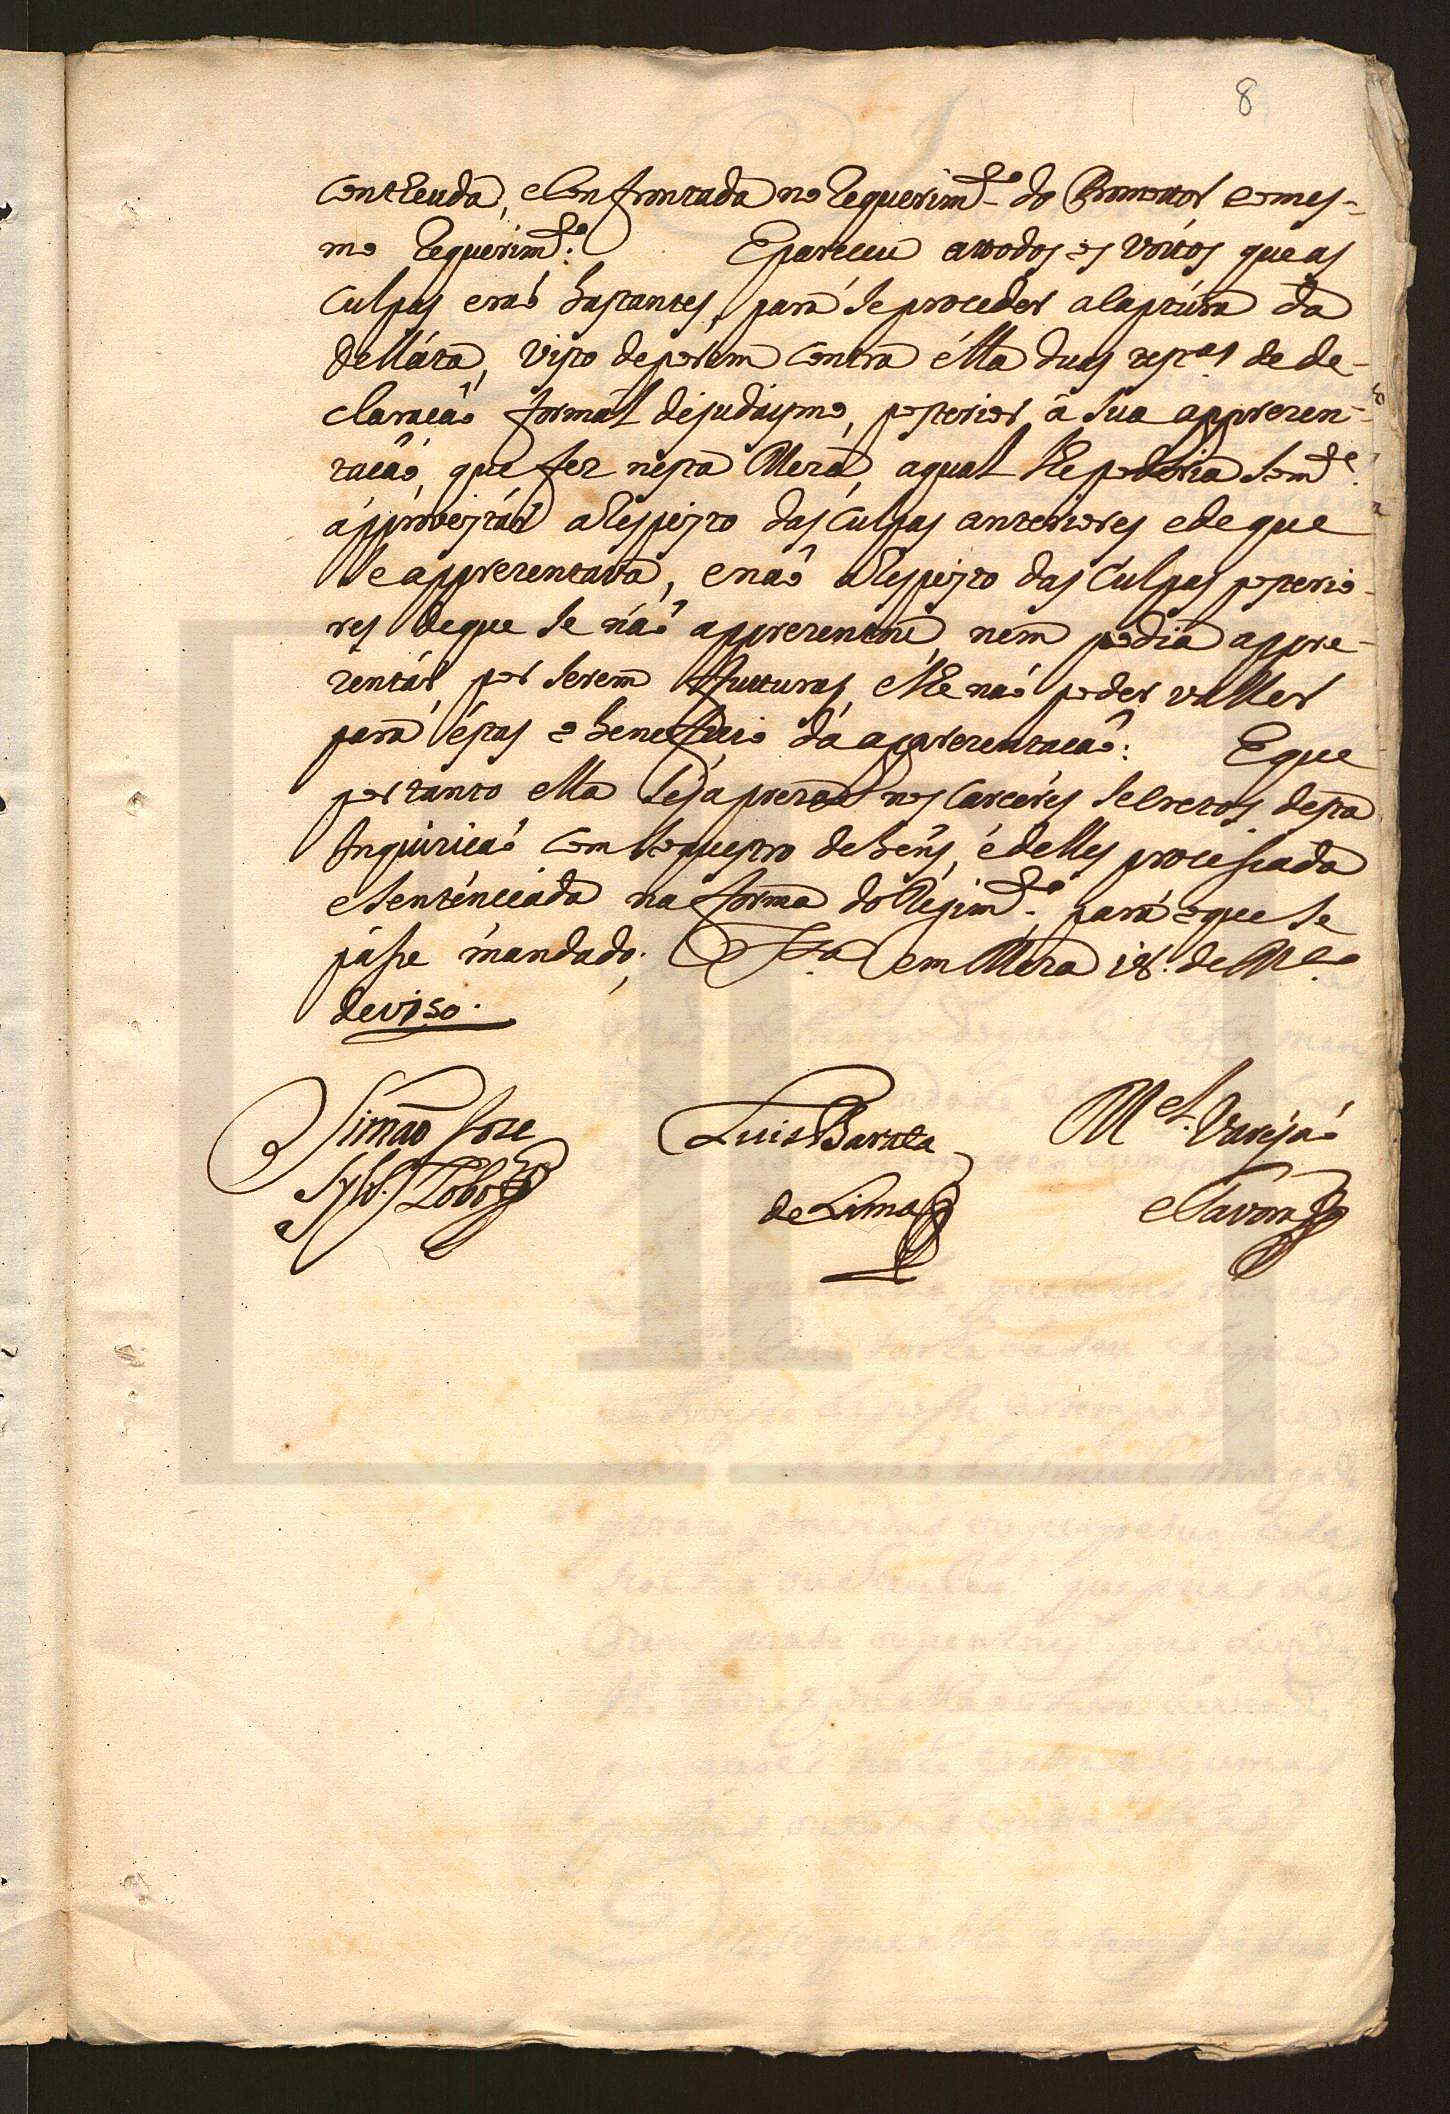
contheuda, e Confrontada no Requerim.to do Promotor, e o mes
mo Requerimt.o
E pareçeu a ttodos os vottos, que as
culpas eraõ bastantes, para se proçeder a captura da
delláta, visto deporem contra ella duas test.as de de
claração formaL de judaismo, posterior á Sua apprezen
tação, que fez nesta Meza, a qual lhe poderia Somte.
approvejtar a Respejto das culpas anteriores e de que
Se apprezentava, e naõ a Respejto das culpas posterio
res de que se naõ apprezentou, nem podia appre
zentár, por serem futturas, e lhe naõ poder valler
para éstas o beneffiçio da apprezentaçaõ: E que
portanto ella seja preza nos carçeres secretos desta
Jnquiziçaõ Com soquestro de ben̄s, e delles processada
e Sentençiada na forma do Regim.to para o que Se
páse mándado. L.xa em Meza i8. de M.co
de i750.
